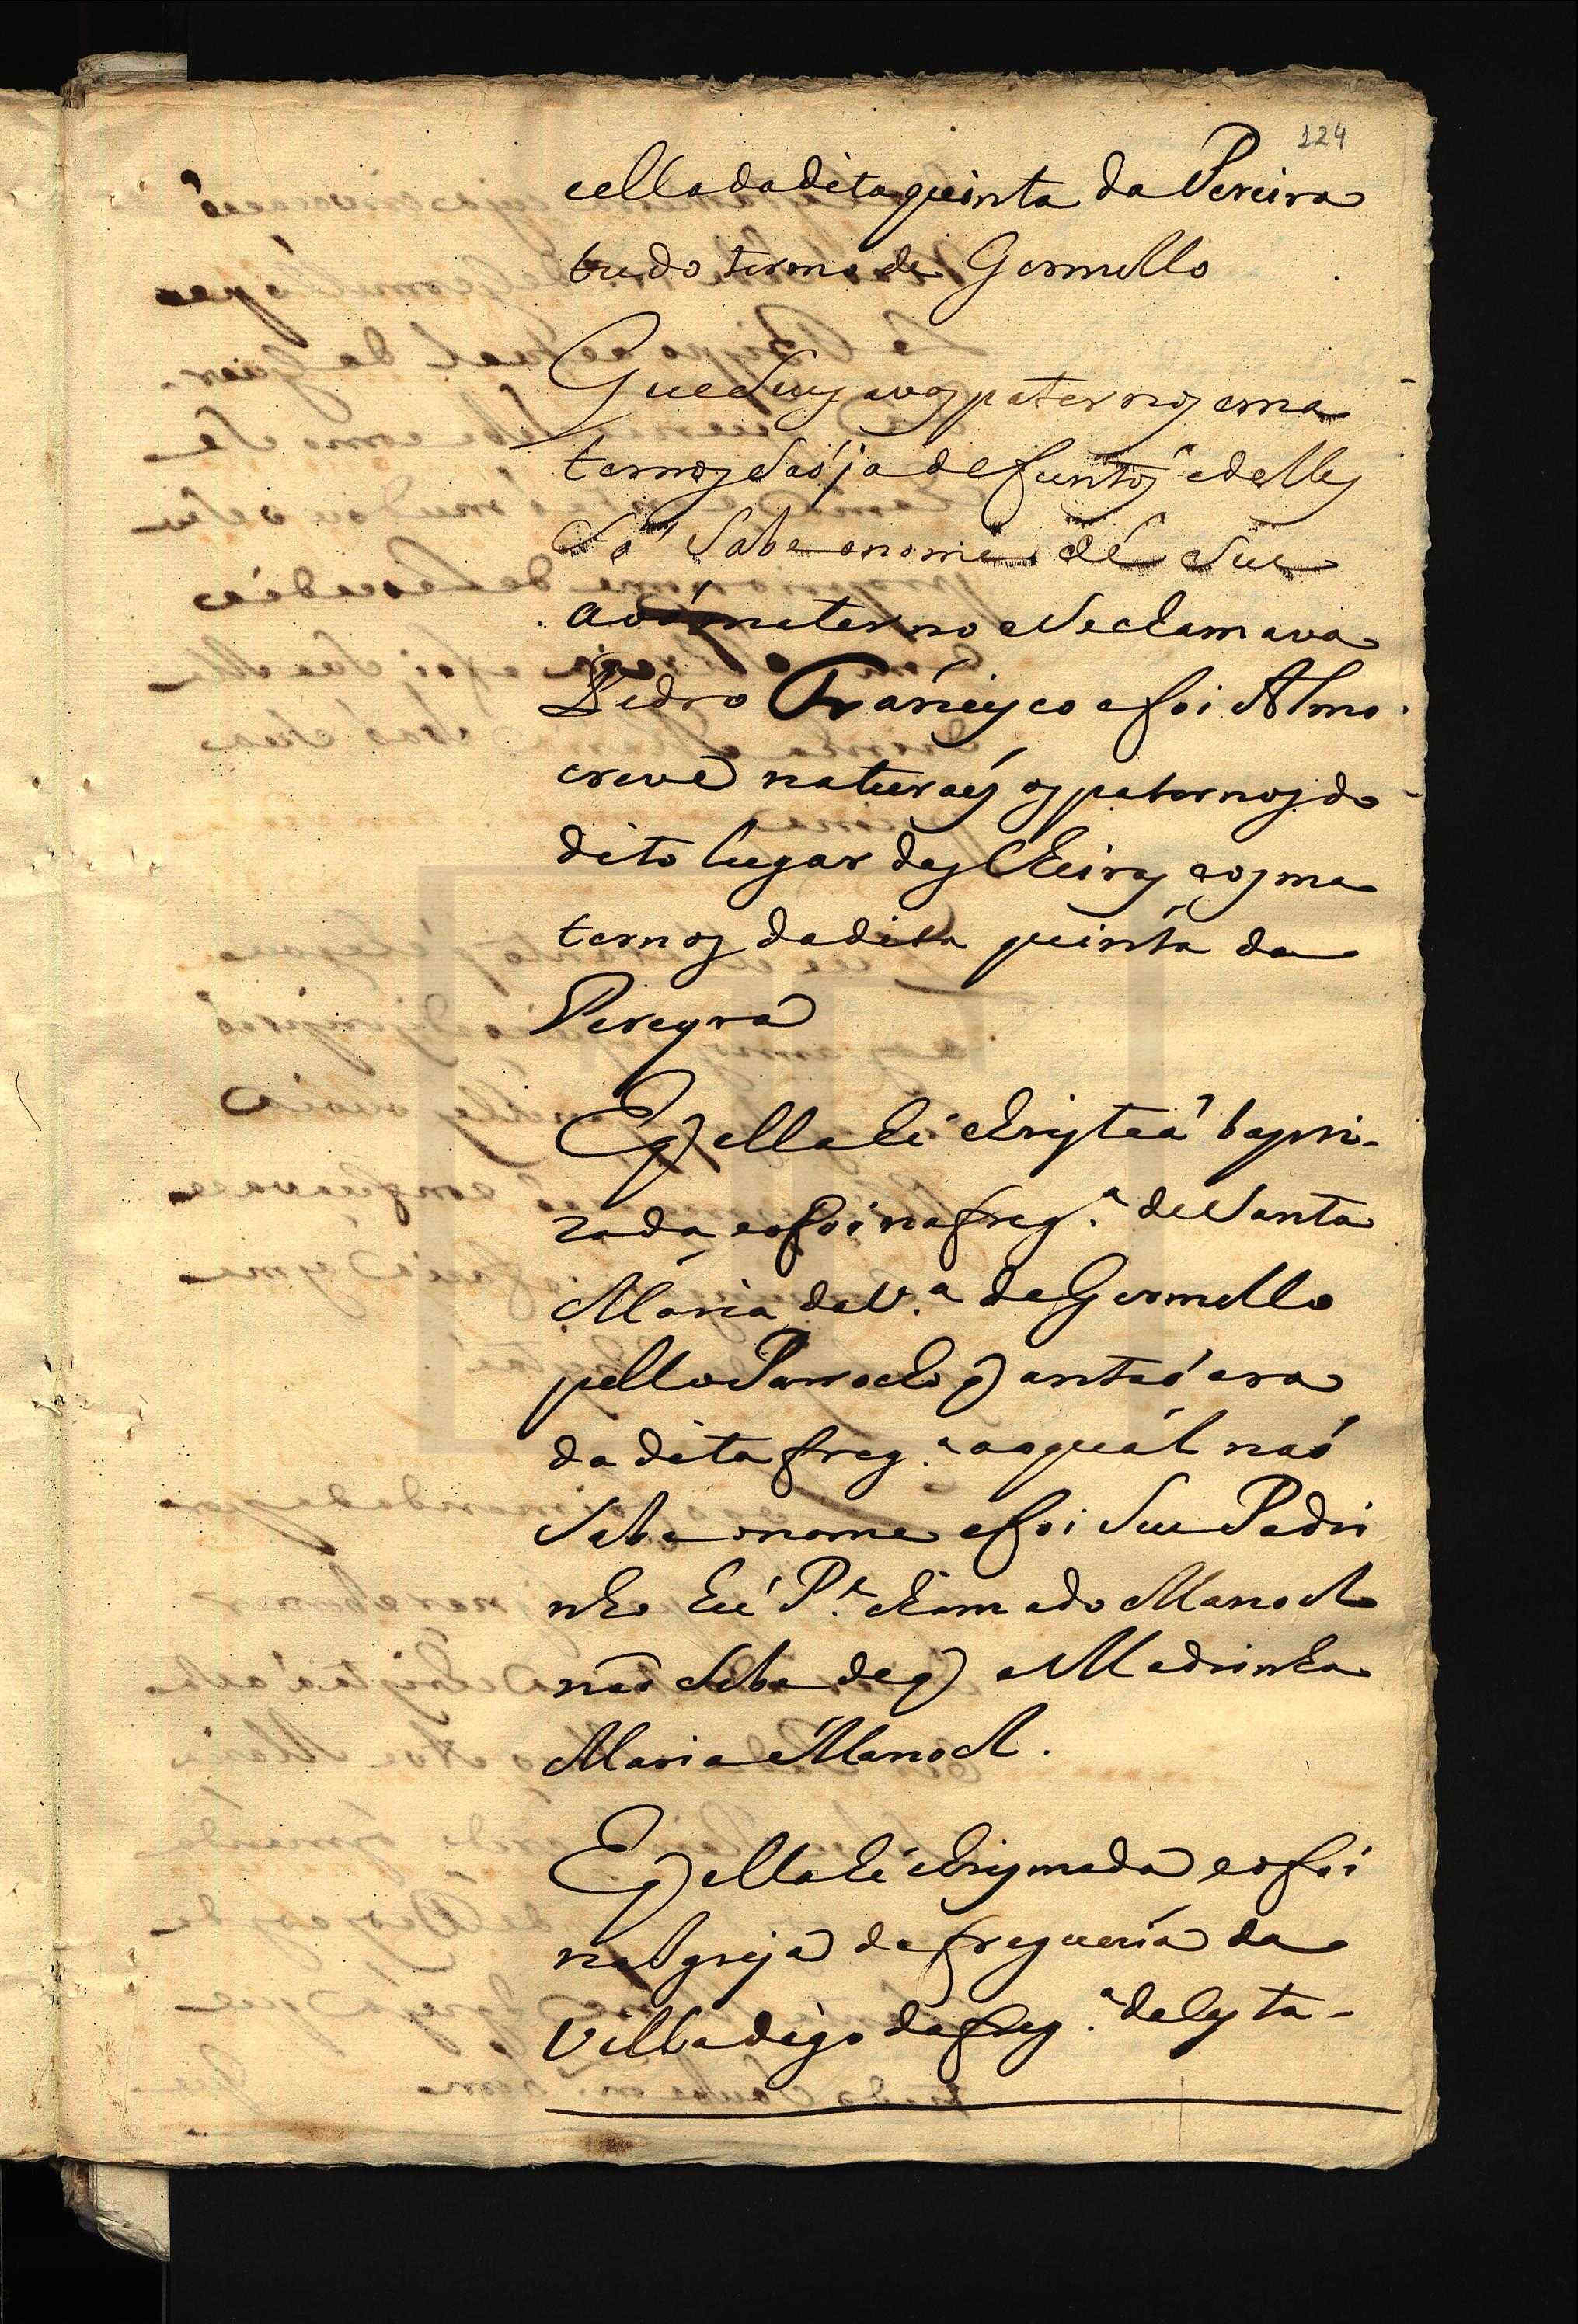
cella da dita quinta da Pereira
tudo termo de Germello
Que Seus avos paternos e ma
ternos Saõ ja defuntos e delles
Só Sabe o nome de Seu
avo materno, e Se chamava
Pedro Francisco, e foi Almo
creve naturaes os paternos do
dito lugar das Cheiras, aos ma
ternos da dita quinta da
Pereyra
E q̄ ella hé christaã bapti
zada, e o foi na freg.a de Santa
Maria da v.a de Germello
pello Parrocho q̄ antaõ era
da dita freg.a ao qual naõ
Sabe o nome e foi Seu Padri
nho hū P.e chamado Manoel
naõ Sabe de q̄ e Madrinha
Maria Manoel.
E q̄ ella hé chrismada, e o foi
na Igreja de freguezia da
Villa digo da freg.a da Casta
